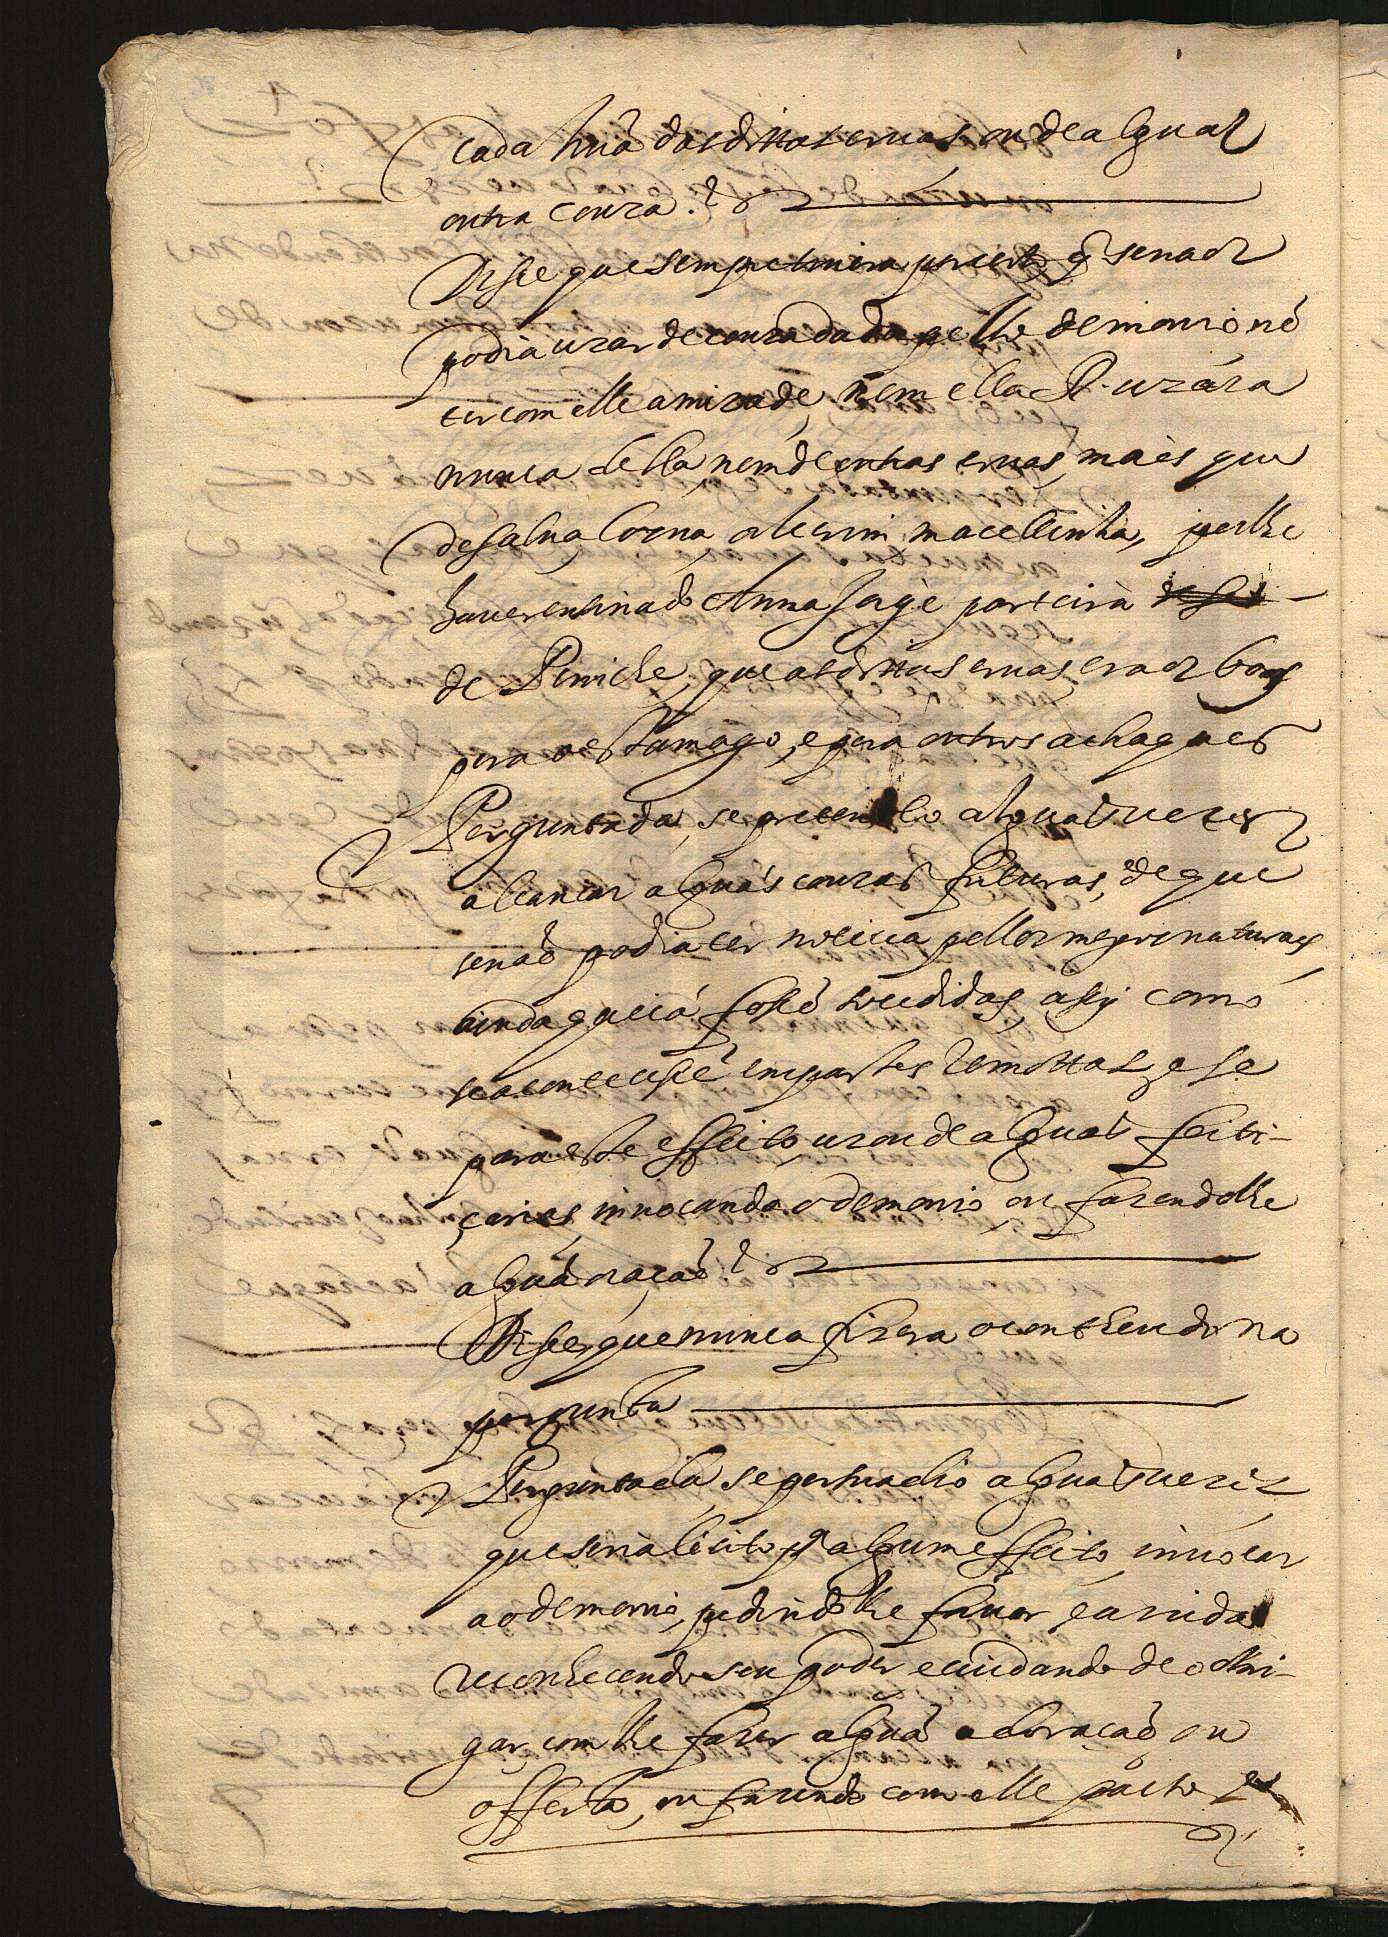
cada huā das dittas eruas ou de alguā
outra couza?
Disse que sempre tiuera por certo q̄ se naõ
podia uzar de couza dada pello demonio, nē
ter com elle amizade, nem ella R. uzara
nunca della, nem de outras eruas, mais que
de salua, lozna, alecrim, macellinha, per lhe
hauer ensinado Anna Jorge parteira de se
de Peniche, que as dittas eruas eraõ boas
pera o estamago, e pera outros achaques
Perguntada, se pretendeo alguās uezes
alcançar allguas̄ couzas futuras, e de que
se naõ podia ter noticia pellos meyos naturaes
ainda que cá fossē socedidas, assy como
se acontecessē em partes Remottas, e se
para este effeito uzou de alguās feiti
çarias, inuocando o demonio, ou fazendolhe
alguā oraçaõ?
Disse que nunca fizera o contheudo na
pergunta
Perguntada se persuadio alguās uezes
que seria licito pa algum effeito, inuocar
ao demonio, pedindolhe fauor e aiuda
reconhecendo seu poder e cuidando de o obri
gar, com lhe fazer alguā adoração ou
offerta, ou fazendo com elle pacto &
